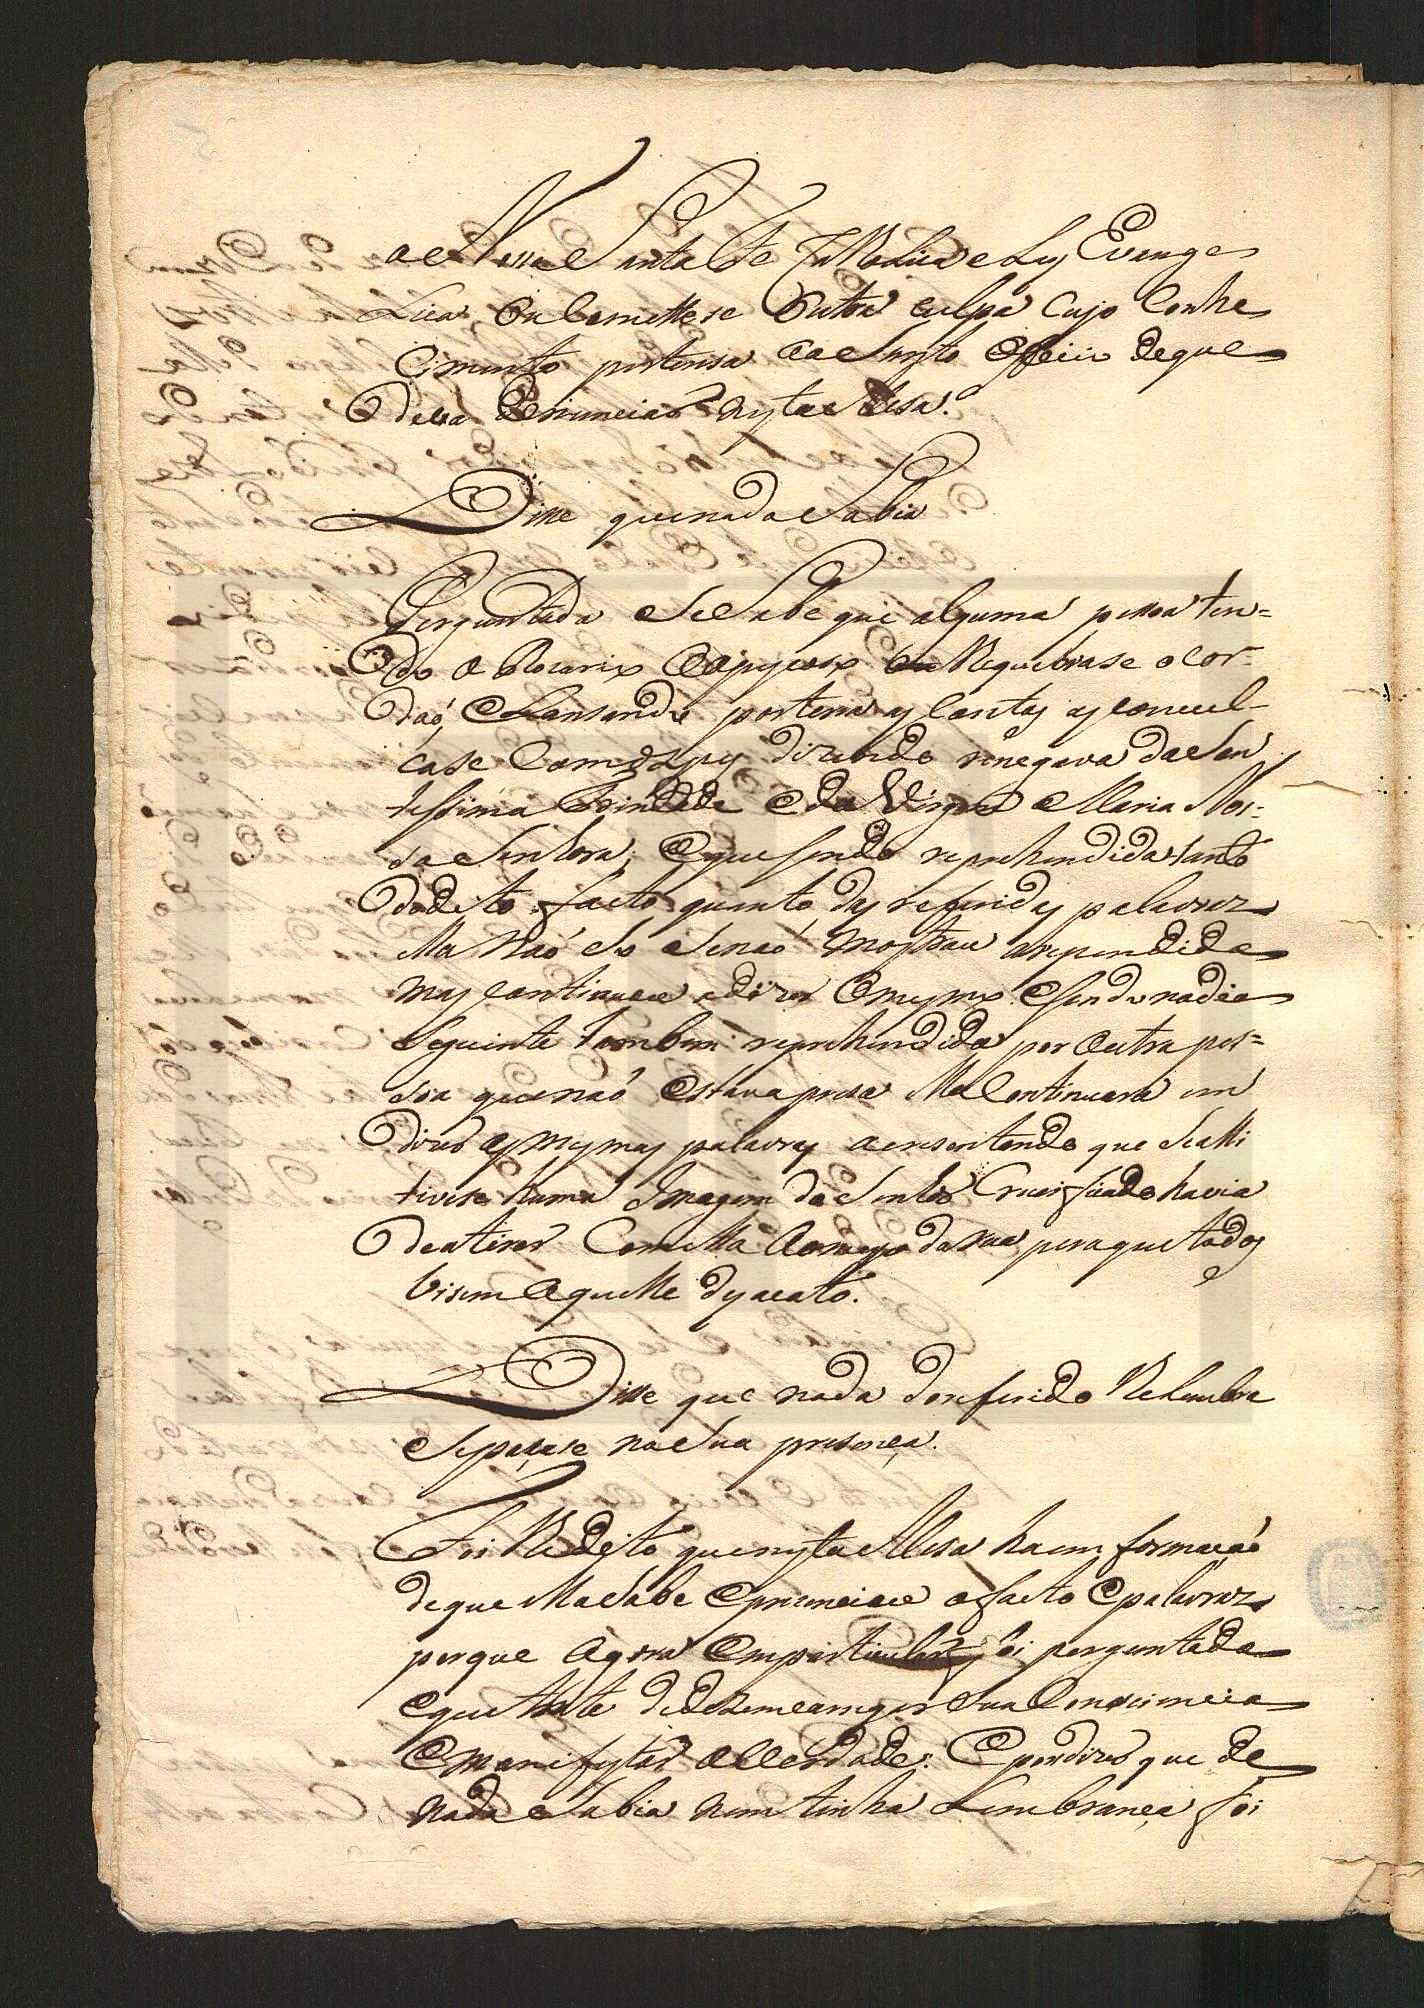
a Nossa Santa Fe CathoLica e Ley Evange
Lica Ou Comettese Outra culpa Cujo Conhe
Cimento pertensa ao Santo Officio de que
deva denunciar nesta Mesa.
Disse que nada Sabia
Perguntada se Sabe que alguma pessoa ten
do o Rozario ao pescoso ou lhe quebrase o cor
daõ, e Lansando por terra as Contas as conccel
case com os pes dizendo se negava da San
tissima Trindade e da Virgem Maria Nos
sa Senhora; E que sendo reprehendida Santo
do dito facto quanto das referidas palavraz
ella naõ So Senaõ mostrou arependida
mas continuou a dizer O mesmo e sendo no dia
Seguinte tambem reprehendida por outra pes
soa que naõ estava presa ella Continuara em
dizer as mesmas palavras acresentando que se alli
tivese huma Imagem do Senhor Crucificado havia
de atirar Com ella ao meyo da rua para que todos
visem aquelle desacato.
Disse que nada do referido lhe lembra
se paçase na Sua presença.
Foi lhe dito que nesta Mesa ha emformaçaõ
de que ella Sabe e prezenciou o facto e palavraz
porque agora em particular foi perguntada
e que trate de deZemcarregar Sua Consciencia
e manifestar a Uerdade E por dizer que de
nada Sabia nem tinha Lembrança foi
